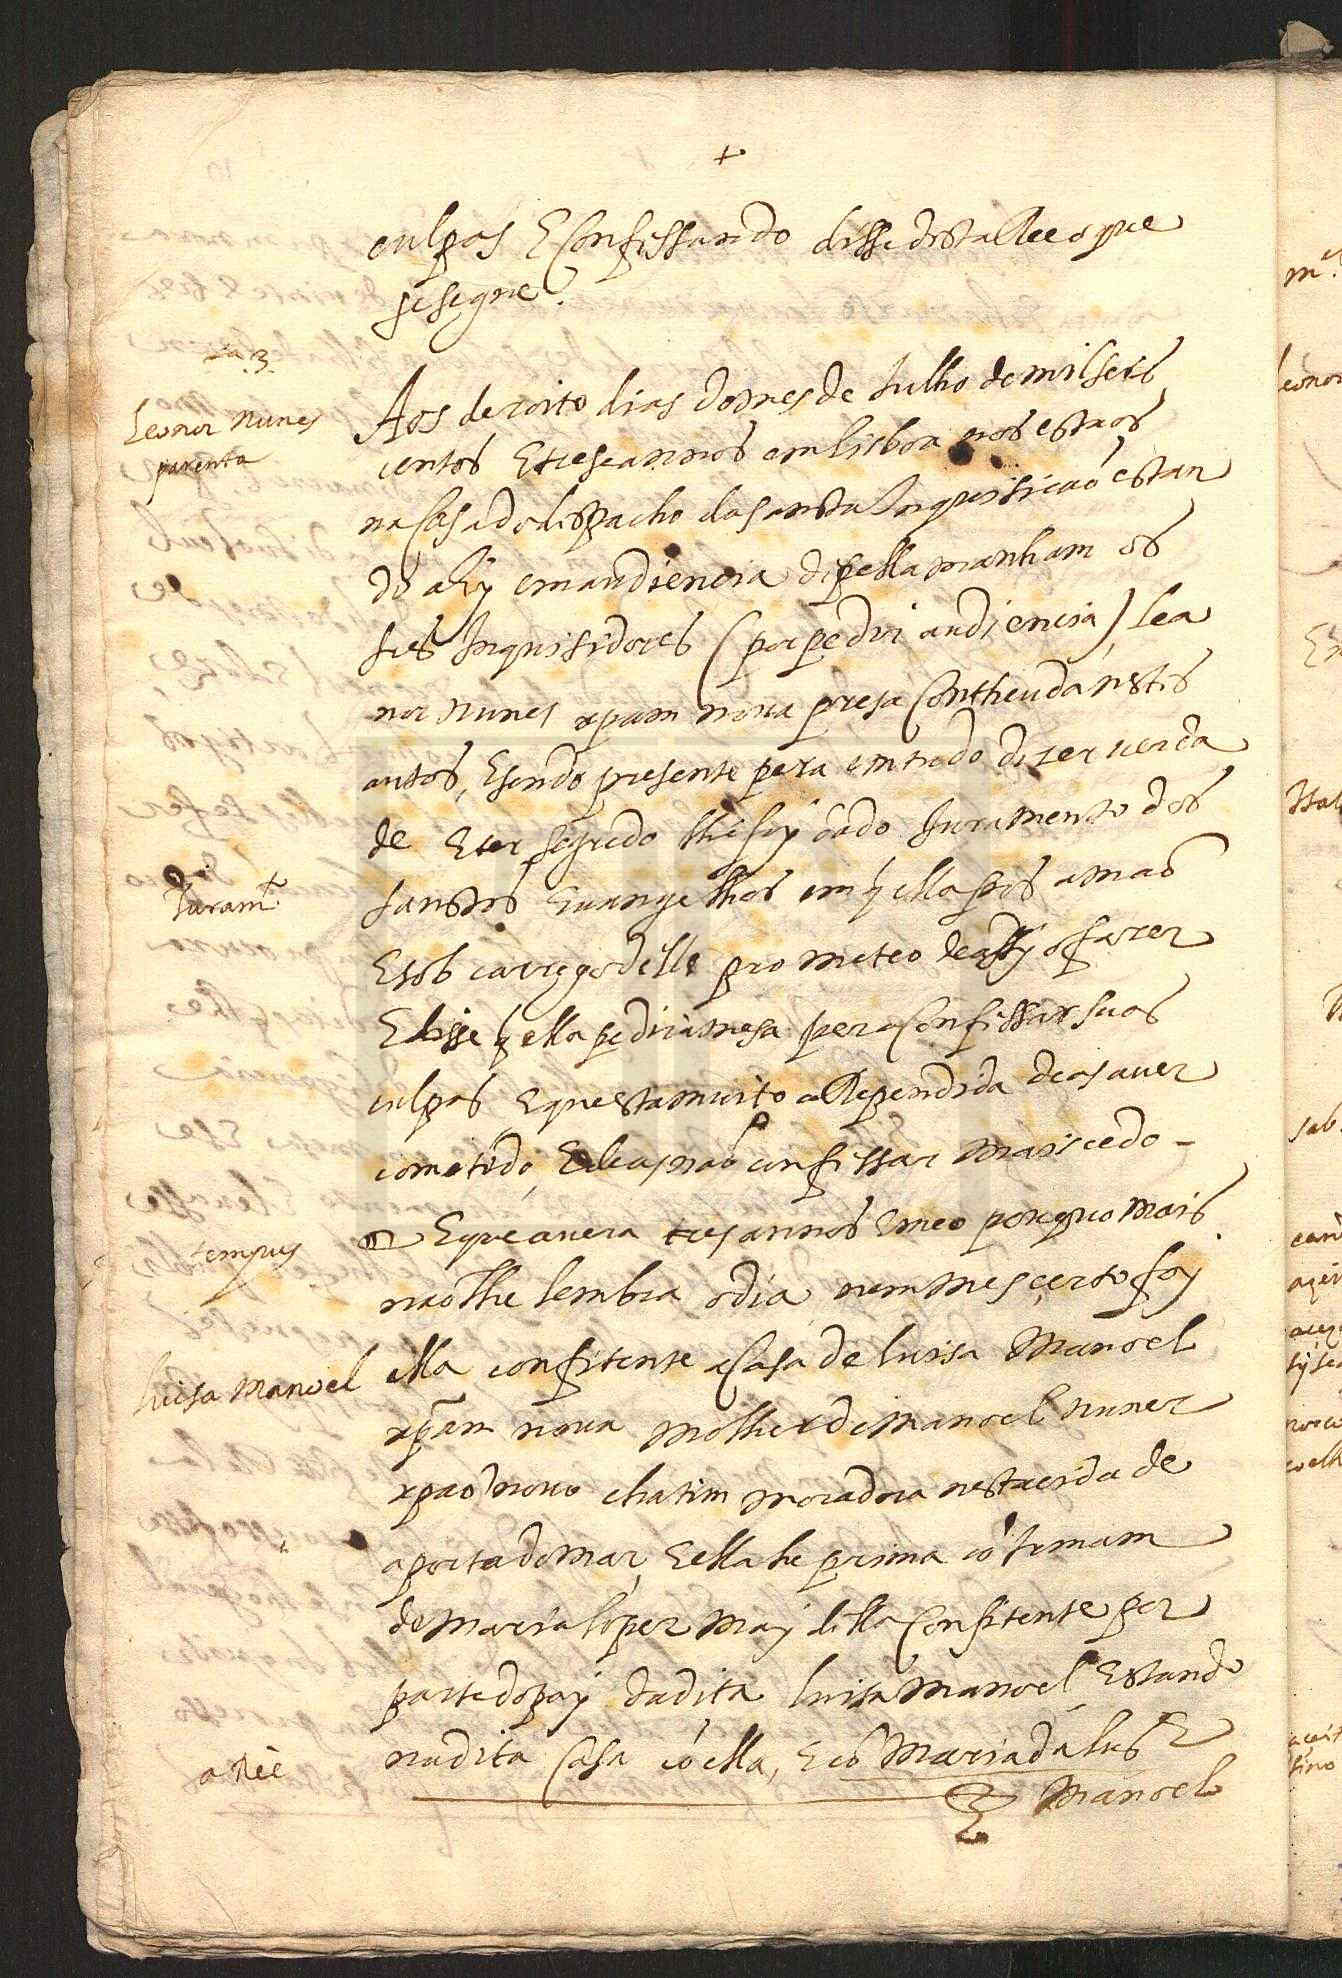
culpas E Confessando disse desta Ree o que
se segue.
Aos dezoito dias do mes de Iulho de mil seis
centos E trese annos em Lisboa nos estaos
na Casa do despacho da santa Inquisicaõ estan
do ahy em audiencia de pella manham os
sres Jnquisidores (por pedir audiencia), Lea
nor nunes xpam noua presa Contheuda nestes
autos, E sendo presente para em tudo dizer uerda
de E ter segredo lhe foy dado Juramento dos
santos Euangelhos em q̄ ella pos a maõ
E sob carrego delle prometeo de assy o fazer
E disse q̄ ella pedira mesa pera Confissar suas
culpas E que esta muito aRependida de as auer
cometido, E de as naõ confissar mais cedo
⁋ E que auera tres annos E meo pouquo mais
naõ lhe Lembra o dia nem mes çerto foy
ella confitente a Casa de luisa Manoel
xpãm noua molher de manoel nunez
xpaõ nouo chatim moradora nesta cidade
a porta do mar, E ella he prima cō Irmam
de Marta lopez May della Confitente por
parte do pay da dita luisa Manoel, Estando
na dita Casa cō ella, E cō Maria da lus E
ManoeL
